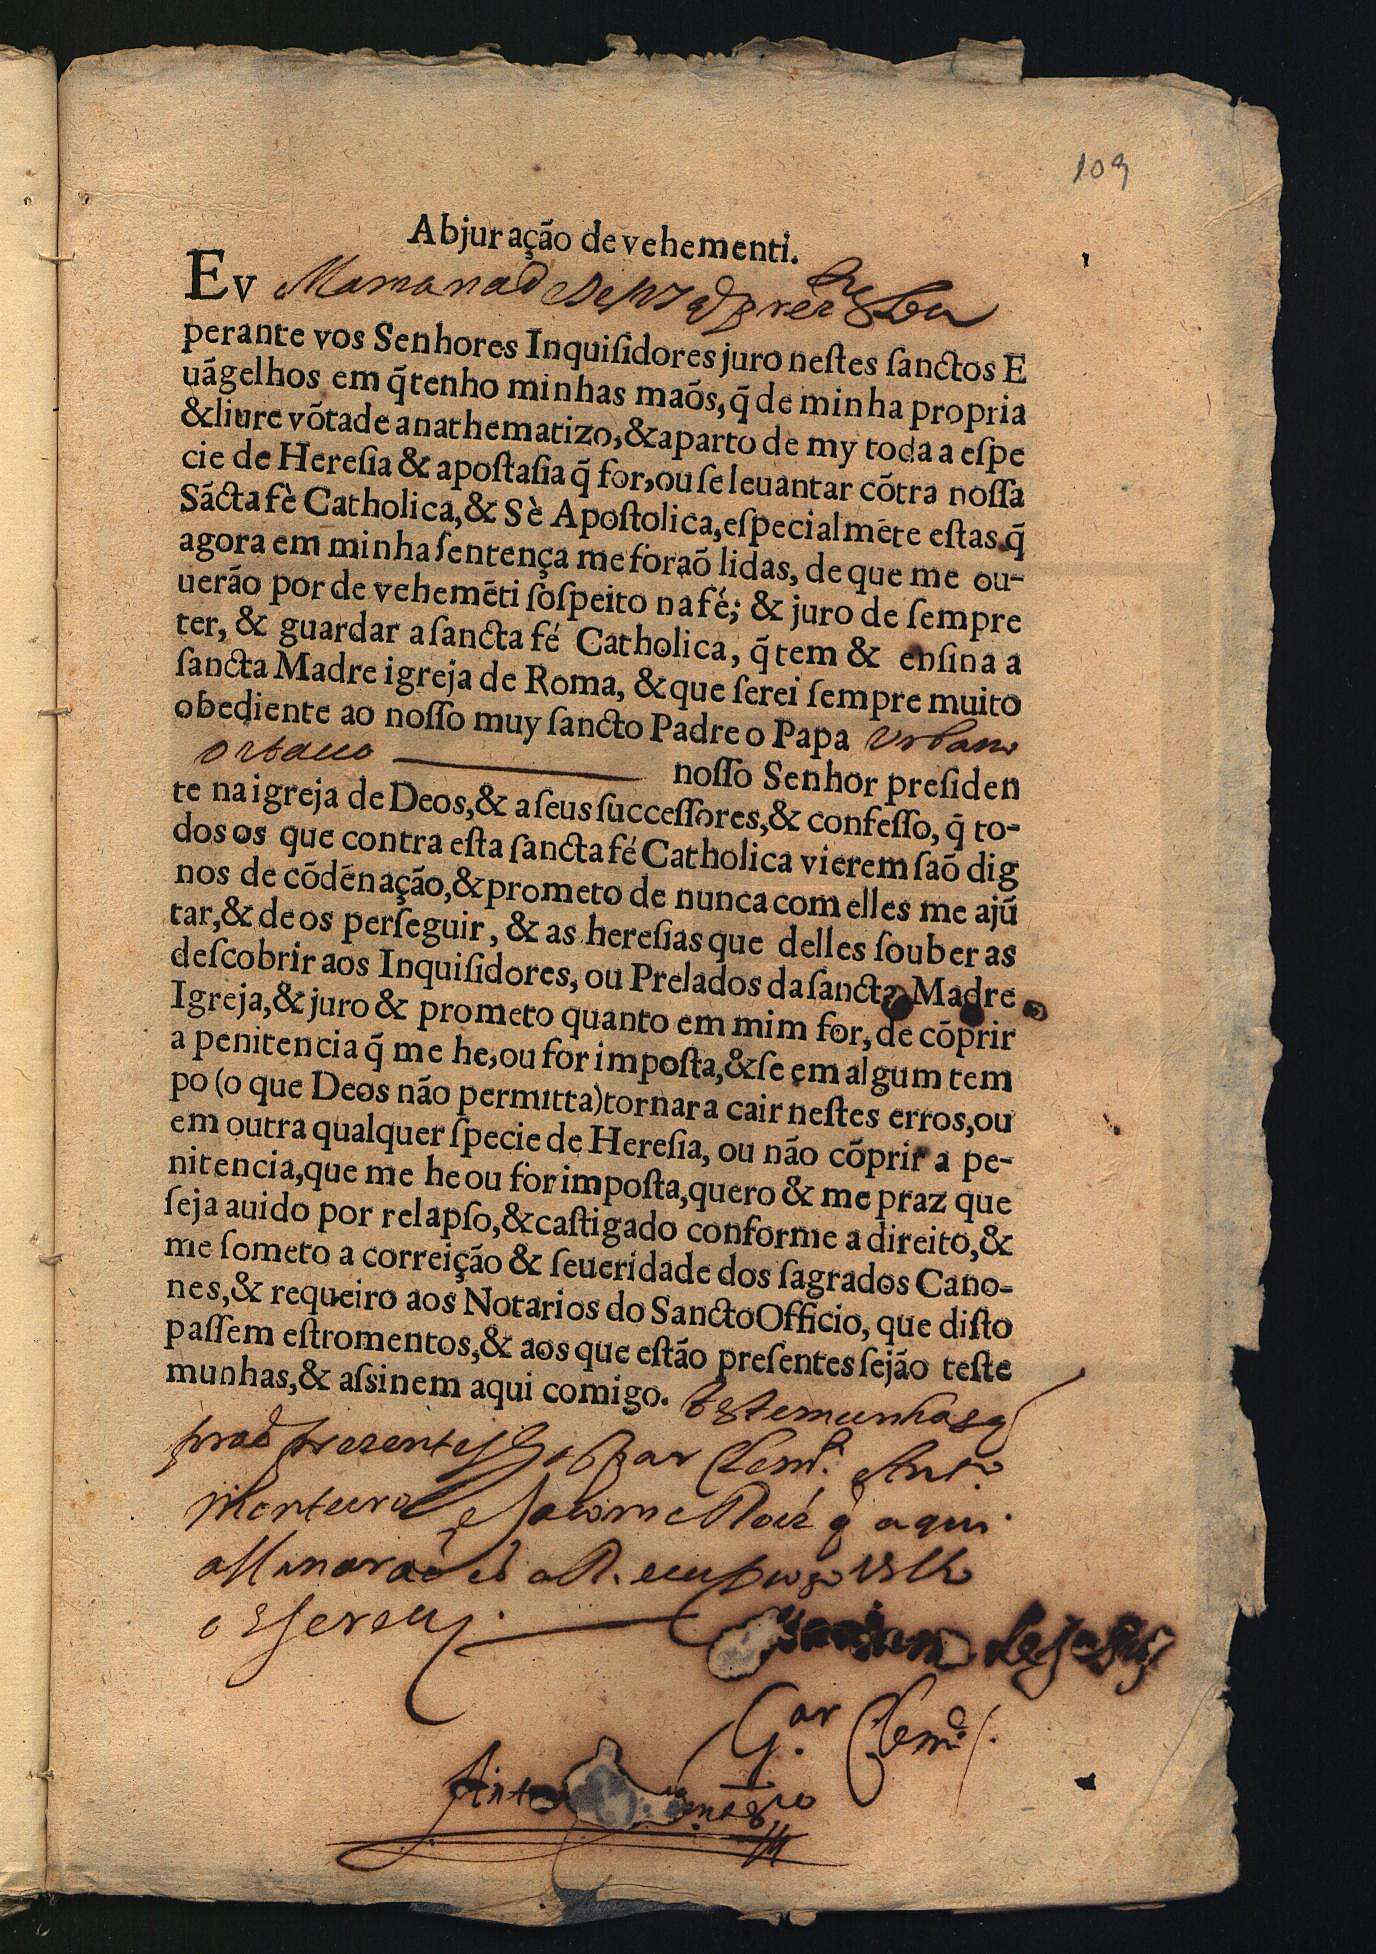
Abjuração de vehementi.
Ev Mariana de Iesvs q̄ prezte stou
perante vos Senhores Inquisidores juro nestes sanctos E
uāgelhos em q̄ tenho minhas maõs, q̄ de minha propria
& liure vōtade anathematizo, & aparto de my toda a espe
cie de Heresia & apostasia q̄ for, ou se leuantar cōtra nossa
Sācta fè Catholica, & Sè Apostolica, especialmēte estas q̄
agora em minha sentença me foraõ lidas, de que me ou
uerão por de vehemēti sospeito na fé; & juro de sempre
ter, & guardar a sancta fé Catholica, q̄ tem & ensina a
sancta Madre igreja de Roma, & que serei sempre muito
obediente ao nosso muy sancto Padre o Papa Vrbano
oitauo
nosso Senhor presiden
te na igreja de Deos, & a seus successares, & confesso, q̄ to
dos os que contra esta sancta fé Catholica vierem saõ dig
nos de cōdēnação, & prometo de nunca com elles me ajū
tar, & de os perseguir, & as heresias que delles souber as
descobrir aos Inquisidores, ou Prelados da sancta Madre
Igreja, & juro & prometo quanto em mim for, de cōprir
a penitencia q̄ me he, ou for imposta, & se em algum tem
po (o que Deos não permitta) tornar a cair nestes erros, ou
em outra qualquer specie de Heresia, ou não cōprir a pe
nitencia, que me he ou for imposta, quero & me praz que
seja auido por relapso, & castigado conforme a direito, &
me someto a correição & seueridade dos sagrados Cano
nes, & requeiro aos Notarios do Sancto Officio, que disto
passem estromentos, & aos que estão presentes sejão teste
munhas, & assinem aqui comigo. testemunhas q̄
foraõ prezentes Gaspar Clem.t Ant.o
Monteiro e Jacome Roiz̄ q̄ aqui
assinaraõ cō a R. e eu Diogo Velho
o Escreuj.
